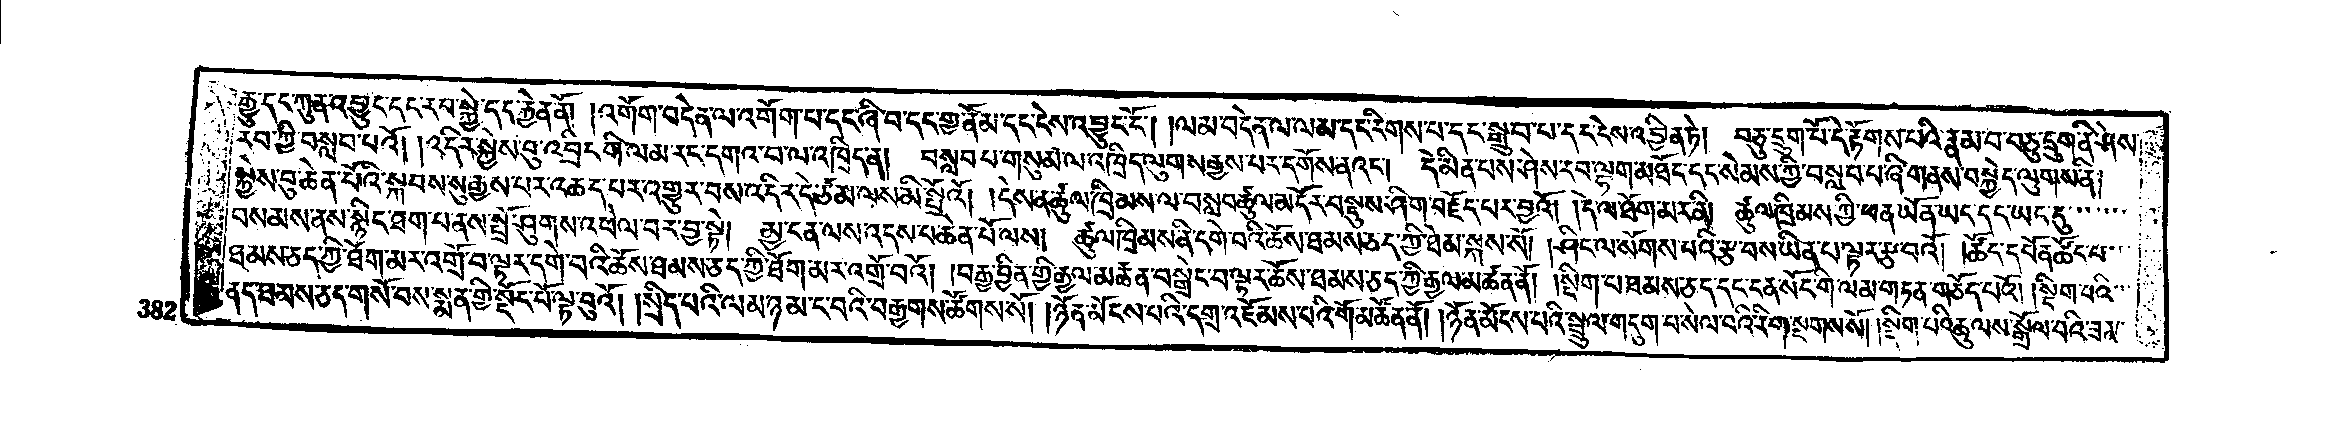རྒྱུ་དང་ཀུན་འབྱུང་དང་རབ་སྐྱེ་དང་རྐྱེན་ནོ། །འགོག་བདེན་ལ་འགོག་པ་དང་ཞི་བ་དང་གྱ་ནོམ་དང་ངེས་འབྱུང་ངོ། །ལམ་བདེན་ལ་ལམ་དང་རིགས་པ་དང་སྒྲུབ་པ་དང་ངེས་འབྱིན་ཏེ། བཅུ་དྲུག་པོ་དེ་རྟོགས་པའི་རྣམ་པ་བཅུ་དྲུག་ནི་ཤེས་
རབ་ཀྱི་བསླབ་པའོ། །འདིར་སྐྱེས་བུ་འབྲིང་གི་ལམ་རང་དགའ་བ་ལ་འཁྲིད་ན། བསླབ་པ་གསུམ་ལ་འཁྲིད་ལུགས་རྒྱས་པར་དགོས་ནའང་། དེ་མིན་པས་ཤེས་རབ་ལྷག་མཐོང་དང་སེམས་ཀྱི་བསླབ་པ་ཞི་གནས་བསྐྱེད་ལུགས་ནི།
སྐྱེས་བུ་ཆེན་པོའི་སྐབས་སུ་རྒྱས་པར་འཆད་པར་འགྱུར་བས་འདིར་དེ་ཙམ་ལས་མི་སྤྲོའོ། །དེས་ན་ཚུལ་ཁྲིམས་ལ་བསླབ་ཚུལ་མདོར་བསྡུས་ཤིག་བརྗོད་པར་བྱའོ། །དེ་ལ་ཐོག་མར་ནི། ཚུལ་ཁྲིམས་ཀྱི་ཕན་ཡོན་ཡང་དང་ཡང་དུ་
བསམས་ནས་སྙིང་ཐག་པ་ནས་སྤྲོ་ཤུགས་འཕེལ་བར་བྱ་སྟེ། མྱ་ངན་ལས་འདས་པ་ཆེན་པོ་ལས། ཚུལ་ཁྲིམས་ནི་དགེ་བའི་ཆོས་ཐམས་ཅད་ཀྱི་ཐེམ་སྐས་སོ། །ཤིང་ལ་སོགས་པའི་རྩ་བས་ཡིན་པ་ལྟར་རྩ་བའོ། །ཚོང་དཔོན་ཚོང་པ་
ཐམས་ཅད་ཀྱི་ཐོག་མར་འགྲོ་བ་ལྟར་དགེ་བའི་ཆོས་ཐམས་ཅད་ཀྱི་ཐོག་མར་འགྲོ་བའོ། །བརྒྱ་བྱིན་གྱི་རྒྱལ་མཚན་བསྒྲེང་བ་ལྟར་ཆོས་ཐམས་ཅད་ཀྱི་རྒྱལ་མཚན་ནོ། །སྡིག་པ་ཐམས་ཅད་དང་ངན་སོང་གི་ལམ་གཏན་གཅོད་པའོ། །སྡིག་པའི་
ནད་ཐམས་ཅད་གསོ་བས་སྨན་གྱི་སྡོང་པོ་ལྟ་བུའོ། །སྲིད་པའི་ལམ་ཉམ་ང་བའི་བརྒྱགས་ཚོགས་སོ། །ཉོན་མོངས་པའི་དགྲ་འཇོམས་པའི་གོ་མཚོན་ནོ། །ཉོན་མོངས་པའི་སྦྲུལ་གདུག་པ་སེལ་བའི་རིག་སྔགས་སོ། །སྡིག་པའི་ཆུ་ལས་སྒྲོལ་བའི་ཟམ་